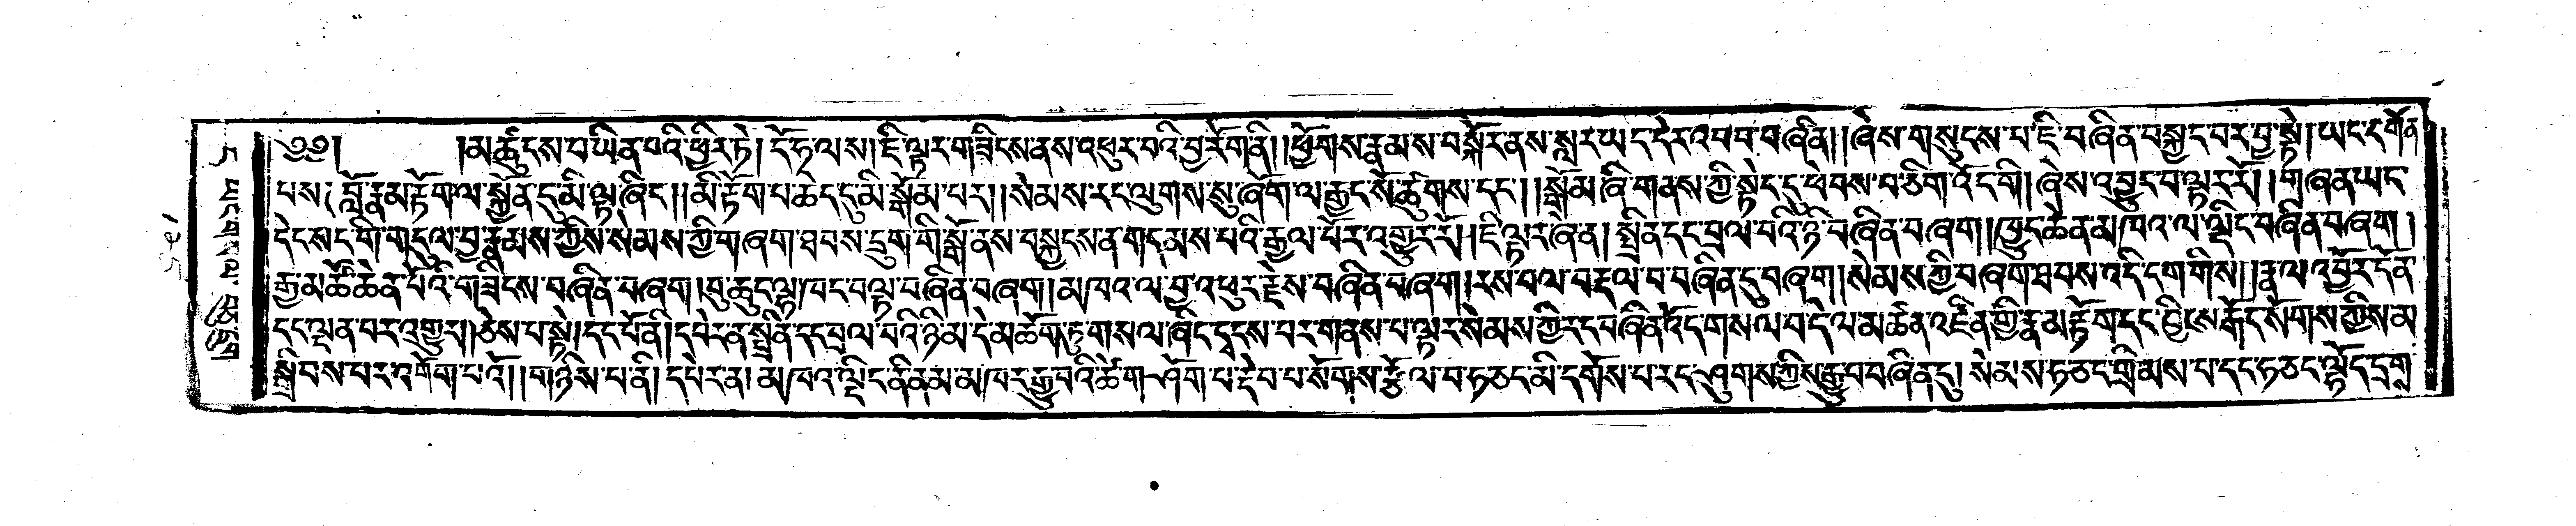༄༅། །མཚུངས་པ་ཡིན་པའི་ཕྱིར་ཏེ། དོ་ཧ་ལས། ཇི་ལྟར་གཟིངས་ནས་འཕུར་བའི་བྱ་རོག་ནི། །ཕྱོགས་རྣམས་བསྐོར་ནས་སླར་ཡང་དེར་འབབ་བཞིན། །ཞེས་གསུངས་པ་ཇི་བཞིན་བསྐྱང་བར་བྱ་སྟེ། ཡང་དགོན་
པས། བློ་རྣམ་རྟོག་ལ་སྐྱོན་དུ་མི་ལྟ་ཞིང་། །མི་རྟོག་པ་ཆེད་དུ་མི་སྒོམ་པར། །སེམས་རང་ལུགས་སུ་ཞོག་ལ་རྒྱང་སོ་ཚུགས་དང་། །སྒོམ་ཞི་གནས་ཀྱི་སྟེང་དུ་ཕེབས་པ་ཅིག་འོང་གི །ཞེས་འབྱུང་བ་ལྟར་རོ། །གཞན་ཡང་
དེང་སང་གི་གདུལ་བྱ་རྣམས་ཀྱིས་སེམས་ཀྱི་གཞག་ཐབས་དྲུག་གི་སྒོ་ནས་བསྐྱངས་ན་གདམས་པའི་རྒྱལ་པོར་འགྱུར་རོ། །ཇི་ལྟར་ཞེ་ན། སྤྲིན་དང་བྲུལ་བའི་ཉི་བཞིན་བཞག །ཁྱུང་ཆེན་མཁའ་ལ་ལྡིང་བཞིན་བཞག །
རྒྱ་མཚོ་ཆེན་པོའི་གཟིངས་བཞིན་བཞག །བུ་ཆུང་ལྷ་ཁང་བལྟ་བཞིན་བཞག །མཁའ་ལ་བྱ་འཕུར་རྗེས་བཞིན་བཞག །རས་བལ་བརྡལ་བ་བཞིན་དུ་བཞག །སེམས་ཀྱི་བཞག་ཐབས་འདི་དག་གིས། །རྣལ་འབྱོར་དོན་
དང་ལྡན་པར་འགྱུར། །ཅེས་པ་སྟེ། དང་པོ་ནི། དཔེར་ན་སྤྲིན་དང་བྲལ་བའི་ཉི་མ་དེ་མཆོག་ཏུ་གསལ་ཞིང་དྭངས་པར་གནས་པ་ལྟར་སེམས་ཀྱི་རང་བཞིན་འོད་གསལ་བ་དེ་ལ་མཚན་འཛིན་གྱི་རྣམ་རྟོག་དང་བྱིངས་རྒོད་སོགས་ཀྱིས་མ་
སྒྲིགས་པར་འགོག་པའོ། །གཉིས་པ་ནི། དཔེར་ན། མཁའ་ལྡིང་ནི་ནམ་མཁར་རྒྱུ་བའི་ཚེ་གཤོག་པ་རྡེབ་པ་སོགས་རྩོལ་བ་ཧ་ཅང་མི་དགོས་པ་རང་ཤུགས་ཀྱིས་རྒྱུ་བ་བཞིན་དུ། སེམས་ཧ་ཅང་གྲིམས་པ་དང་ཧ་ཅང་ལྷོད་དྲགས་